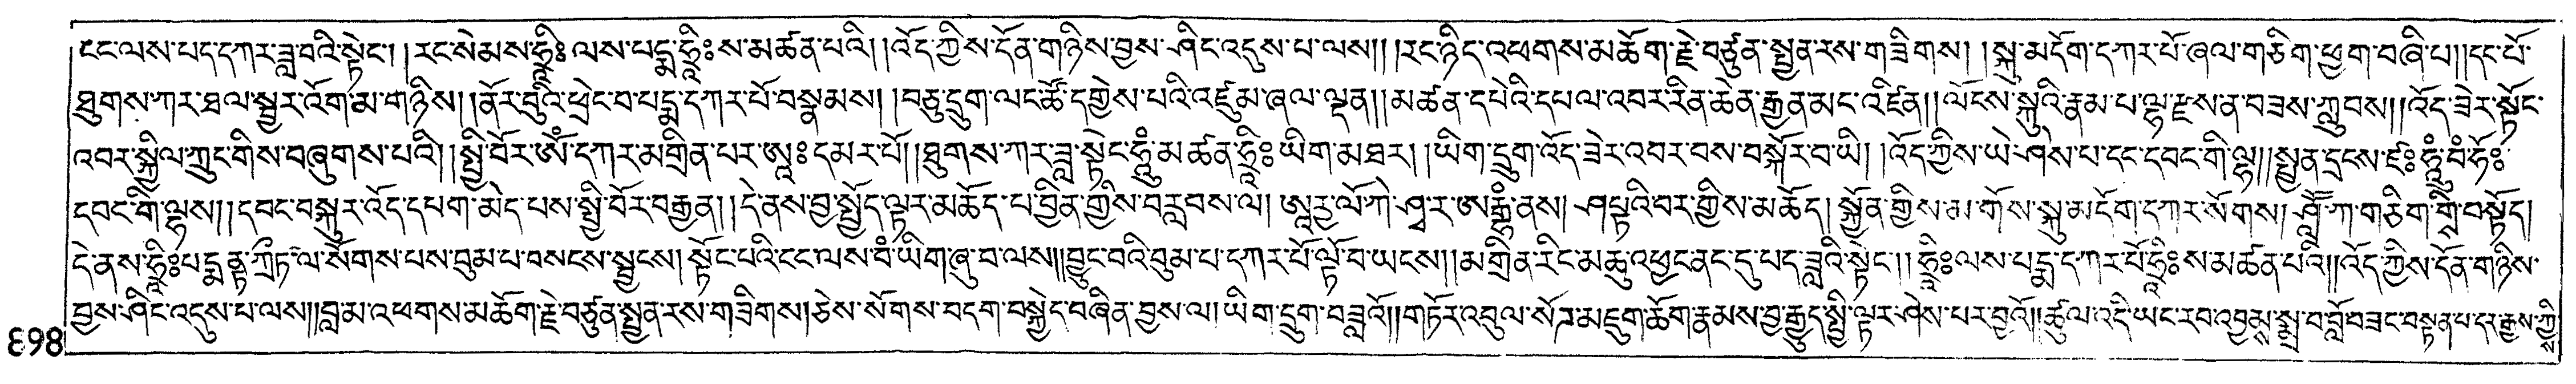ངང་ལས་པད་དཀར་ཟླ་བའི་སྟེང་། །རང་སེམས་ཧྲཱིཿ ལས་པདམ་ཧྲཱིཿ ས་མཚན་པའི། །འོད་ཀྱིས་དོན་གཉིས་བྱས་ཤིང་འདུས་པ་ལས། །རང་ཉིད་འཕགས་མཆོག་རྗེ་བཙུན་སྤྱན་རས་གཟིགས། །སྐུ་མདོག་དཀར་པོ་ཞལ་གཅིག་ཕྱག་བཞི་པ། །དང་པོ་
ཐུགས་ཀར་ཐལ་སྦྱར་འོག་མ་གཉིས། །ནོར་བུའི་ཕྲེང་བ་པདམ་དཀར་པོ་བསྣམས། །བཅུ་དྲུག་ལང་ཚོ་དགྱེས་པའི་འཛུམ་ཞལ་ལྡན། །མཚན་དཔེའི་དཔལ་འབར་རིན་ཆེན་རྒྱན་མང་འཛིན། །ལོངས་སྐུའི་རྣམ་པ་ལྷ་རྫས་ན་བཟས་ཀླུབས། །འོད་ཟེར་སྟོང་
འབར་སྐྱིལ་ཀྲུང་གིས་བཞུགས་པའི། །སྤྱི་བོར་ཨོཾ་དཀར་མགྲིན་པར་ཨཱཿ དམར་པོ། །ཐུགས་ཀར་ཟླ་སྟེང་ཧཱུཾ་མཚན་ཧྲཱིཿ ཡིག་མཐར། །ཡིག་དྲུག་འོད་ཟེར་འབར་བས་བསྐོར་བ་ཡི། །འོད་ཀྱིས་ཡེ་ཤེས་པ་དང་དབང་གི་ལྷ། །སྤྱན་དྲངས་ཛཿ ཧཱུཾ་བཾ་ཧོཿ
དབང་གི་ལྷས། །དབང་བསྐུར་འོད་དཔག་མེད་པས་སྤྱི་བོར་བརྒྱན། །དེ་ནས་བྱ་སྤྱོད་ལྟར་མཆོད་པ་བྱིན་གྱིས་བརླབས་ལ། ཨཱརྱ་ལོ་ཀེ་ཤྭ་ར་ཨརྒྷཾ་ནས། ཤཔྟའི་བར་གྱིས་མཆོད། སྐྱོན་གྱིས་མ་གོས་སྐུ་མདོག་དཀར་སོགས། ཤླཽ་ཀ་གཅིག་གིས་བསྟོད།
དེ་ནས་ཧྲཱིཿ པདམ་ནྟ་ཀྲྀཏ་ལ་སོགས་པས་བུམ་པ་བསངས་སྦྱངས། སྟོང་པའི་ངང་ལས་བཾ་ཡིག་ཞུ་བ་ལས། །བྱུང་བའི་བུམ་པ་དཀར་པོ་ལྟོ་བ་ཡངས། །མགྲིན་རིང་མཆུ་འཕྱང་ནང་དུ་པད་ཟླའི་སྟེང་། །ཧྲཱིཿ ལས་པདམ་དཀར་པོ་ཧྲཱིཿ ས་མཚན་པའི། །འོད་ཀྱིས་དོན་གཉིས་
བྱས་ཤིང་འདུས་པ་ལས། །བླ་མ་འཕགས་མཆོག་རྗེ་བཙུན་སྤྱན་རས་གཟིགས། ཅེས་སོགས་བདག་བསྐྱེད་བཞིན་བྱས་ལ། ཡིག་དྲུག་བཟླའོ། །གཏོར་འབུལ་སོགས་མཇུག་ཆོག་རྣམས་བྱ་རྒྱུད་སྤྱི་ལྟར་ཤེས་པར་བྱའོ། །ཚུལ་འདི་ཡང་རབ་འབྱམས་སྨྲ་བ་བློ་བཟང་བསྟན་པ་དར་རྒྱས་ཀྱིས་